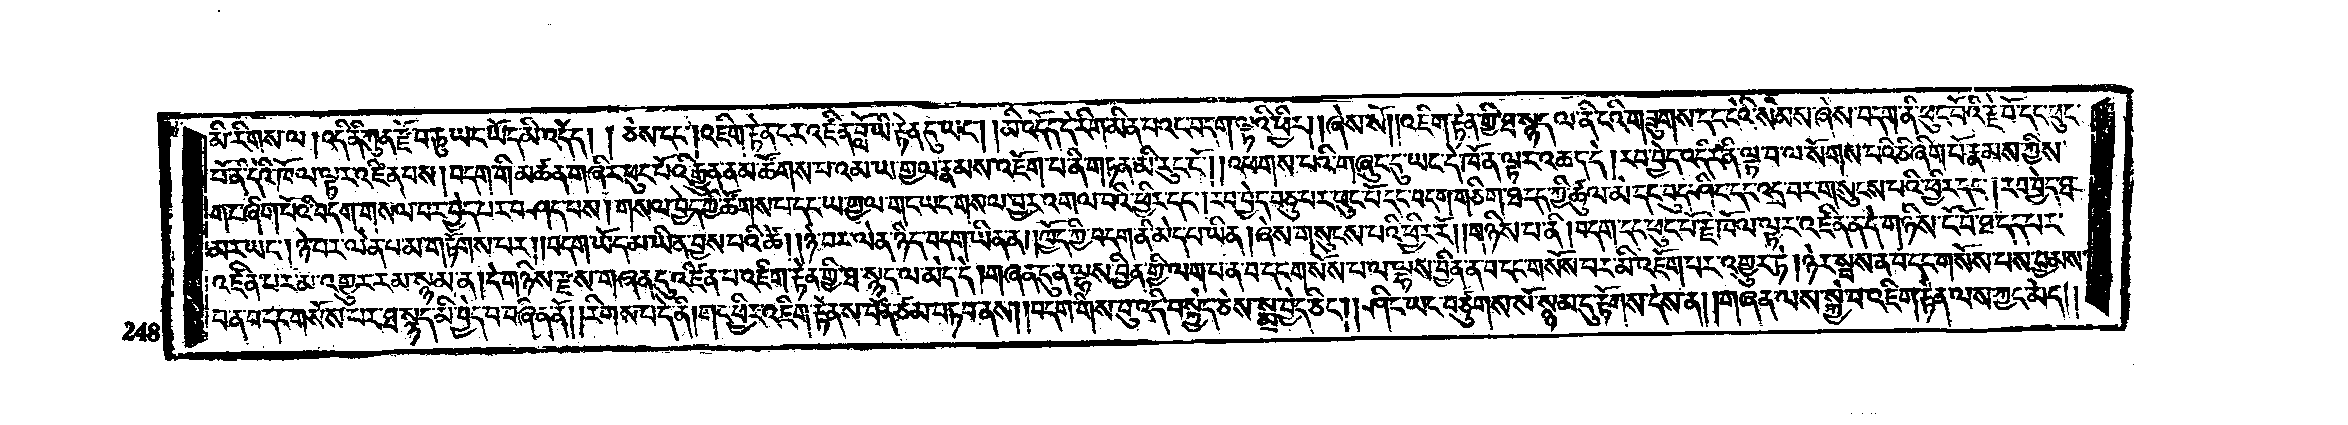མི་རིགས་ལ། འདི་ནི་ཀུན་རྫོབ་ཏུ་ཡང་ཡོད་མི་འདོད། །ཅེས་དང་། འཇིག་རྟེན་ངར་འཛིན་བློ་ཡི་རྟེན་དུ་ཡང་། །མི་འདོད་དེ་རིག་མིན་པའང་བདག་ལྟའི་ཕྱིར། །ཞེས་སོ། །འཇིག་རྟེན་གྱི་ཐ་སྙད་ལ་ནི་ངའི་གཟུགས་དང་དེའི་ངེའི་སེམས་ཞེས་བདག་ནི་ཕུང་པོའི་རྡེབ་པོ་དང་ཕུང་
པོ་ན་དེའི་ཁོ་ལ་ལྟར་འཛིན་པས། བདག་གི་མཚན་གཞིར་ཕུང་པོའི་རྒྱུན་ནམ་ཚོགས་པའམ་ཡ་གྱལ་རྣམས་འཇོག་པ་ནི་གཏན་མི་རུང་ངོ། །འཕགས་པའི་གཞུང་དུ་ཡང་དེ་ཁོ་ན་ལྟར་འཆད་དེ། རབ་བྱེད་འདིར་ནི་ལྟ་བ་ལ་སོགས་པའི་ཅི་ཞིག་པོ་རྣམས་ཀྱིས་
གང་ཞིག་པོའི་བདག་གསལ་བར་བྱེད་པར་བཤད་པས། གསལ་བྱེད་ཀྱི་ཚོགས་པ་དང་ཡ་གྱལ་གང་ཡང་གསལ་བྱར་འགལ་བའི་ཕྱིར་དང་། རབ་བྱེད་བཅུ་པར་ཕུང་པོ་དང་བདག་གཅིག་ཐ་དད་ཀྱི་ཚུལ་མེད་དང་བུད་ཤིང་དང་འདྲ་བར་གསུངས་པའི་ཕྱིར་དང་། རབ་བྱེད་ཐ་
མར་ཡང་། ཉེ་བར་ལེན་པ་མ་གཏོགས་པར། །བདག་ཡོད་མ་ཡིན་བྱས་པའི་ཚེ། །ཉེ་བར་ལེན་ཉིད་བདག་ཡིན་ན། །ཁྱོད་ཀྱི་བདག་ནི་མེད་པ་ཡིན། ཞེས་གསུངས་པའི་ཕྱིར་རོ། །གཉིས་པ་ནི། བདག་དང་ཕུང་པོ་རྗེ་ཁོལ་ལྟར་འཛིན་ན་དེ་གཉིས་ངོ་བོ་ཐ་དད་པར་
འཛིན་པར་མི་འགྱུར་ངམ་སྙམ་ན། དེ་གཉིས་རྫས་གཞན་དུ་འཛིན་པ་འཇིག་རྟེན་གྱི་ཐ་སྙད་ལ་མེད་དེ། གཞན་དུ་ན་ལྷས་བྱིན་གྱི་ལག་པ་ན་བ་དང་གསོས་པ་ལ་ལྷས་བྱིན་ན་བ་དང་གསོས་པར་མི་འཇོག་པར་འགྱུར་ཏེ། ཉེར་སྦས་ན་བ་དང་གསོས་པས་བྱམས་
པ་ན་བ་དང་གསེས་པར་ཐ་སྙད་མི་བྱེད་པ་བཞིན་ནོ། །རིགས་པ་དེ་ནི། གང་ཕྱིར་འཇིག་རྟེན་ས་བོན་ཙམ་བཏབ་ནས། །བདག་གིས་བུ་འདི་བསྐྱེད་ཅེས་སྨྲ་བྱེད་ཅིང་། །ཤིང་ཡང་བཙུགས་སོ་སྙམ་དུ་རྟོགས་དེས་ན། །གཞན་ལས་སྐྱེ་བ་འཇིག་རྟེན་ལས་ཀྱང་མེད། །